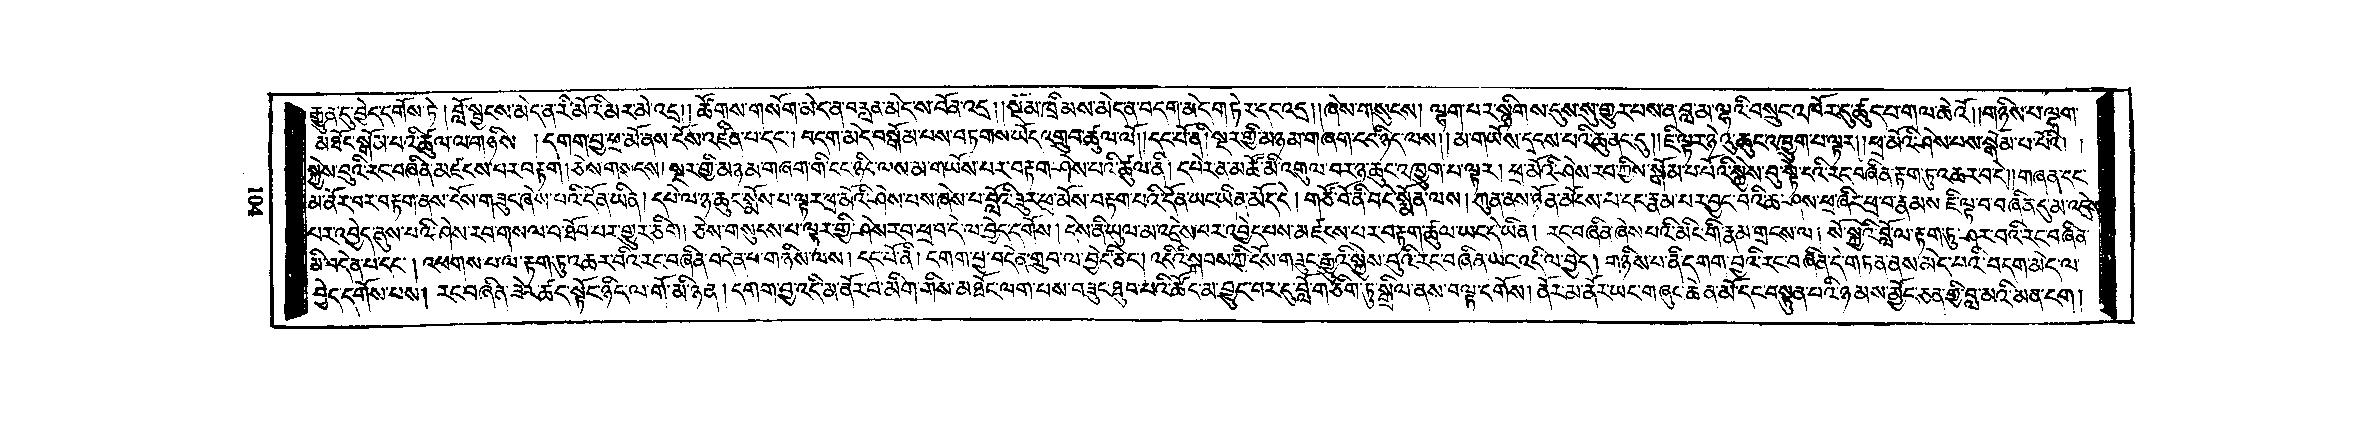རྒྱུན་དུ་བྱེད་དགོས་ཏེ། བློ་སྦྱངས་མེད་ན་རི་མོའི་མར་མེ་འདྲ། །ཚོགས་གསོག་མེད་ན་བརླན་མེད་ས་བོན་འདྲ། །སྡོམ་ཁྲིམས་མེད་ན་བདག་མེད་གཏེར་དང་འདྲ། །ཞེས་གསུངས། ལྷག་པར་སྙིགས་དུས་སུ་གྱུར་པས་ན་བླ་མ་ལྷའི་བསྲུང་འཁོར་དུ་ཚུད་པ་གལ་ཆེའོ། །གཉིས་པ་ལྷག་
མཐོང་སྒོམ་པའི་ཚུལ་ལ་གཉིས། དགག་བྱ་ཕྲ་མོ་ནས་ངོས་འཛིན་པ་དང་། བདག་མེད་བསྒོམ་པས་བཏགས་ཡོད་འགྲུབ་ཚུལ་ལོ། །དང་པོ་ནི། སྔར་གྱི་མཉམ་གཞག་ངང་ཉིད་ལས། །མ་གཡོས་དྲངས་པའི་ཆུ་ནང་དུ། །ཇི་ལྟར་ཉེའུ་ཆུང་འཁྱུག་པ་ལྟར། །ཕྲ་མོའི་ཤེས་པས་སྒོམ་པ་པོའི། །
སྐྱེས་བུའི་རང་བཞིན་མཛངས་པར་བརྟག །ཅེས་གསུངས། སྔར་གྱི་མཉམ་གཞག་གི་ངང་ཉིད་ལས་མ་གཡོས་པར་བརྟག་ཤེས་པའི་ཚུལ་ནི། དཔེར་ན་མཚོ་མི་འགུལ་བར་ཉ་ཆུང་འཁྱུག་པ་ལྟར། ཕྲ་མོའི་ཤེས་རབ་ཀྱིས་སྒོམ་པ་པོའི་སྐྱེས་བུ་སྟེ་ངའི་རང་བཞིན་རྟག་ཏུ་འཆར་བ་དེ། །གཞན་དང་
མ་ནོར་བར་བརྟག་ནས་ངོས་གཟུང་ཞེས་པའི་དོན་ཡིན། དཔེ་ལ་ཉ་ཆུང་སྨོས་པ་ལྟར་ཕྲ་མོའི་ཤེས་པས་ཞེས་པ་བློའི་ཟུར་ཕྲ་མོས་བརྟག་པའི་དོན་ཡང་ཡིན་མོད་དེ། གཙོ་བོ་ནི་བདེ་སྨོན་ལས། ཀུན་ནས་ཉོན་མོངས་པ་དང་རྣམ་པར་བྱང་བའི་ཆ་ཤས་ཕྲ་ཞིང་ཕྲ་བ་རྣམས་ཇི་ལྟ་བ་བཞིན་དུ་མ་འདྲེས་
པར་འབྱེད་ནུས་པའི་ཤེས་རབ་གསལ་བ་ཐོབ་པར་གྱུར་ཅིག །ཅེས་གསུངས་པ་ལྟར་གྱི་ཤེས་རབ་ཕྲ་བ་དེ་ལ་བྱེད་དགོས། དེས་ནི་ཡུལ་མ་འདྲེས་པར་འབྱེད་པས་མཛངས་པར་བརྟག་ཚུལ་ཡང་དེ་ཡིན། རང་བཞིན་ཞེས་པའི་མིང་གི་རྣམ་གྲངས་ལ། སོ་སྐྱེའི་བློ་ལ་རྟག་ཏུ་ཤར་བའི་རང་བཞིན་
མི་བདེན་པ་དང་། འཕགས་པ་ལ་རྟག་ཏུ་འཆར་བའི་རང་བཞིན་བདེན་པ་གཉིས་ལས། དང་པོ་ནི། དགག་བྱ་བདེན་གྲུབ་ལ་བྱེད་ཅིང་། འདིའི་སྐབས་ཀྱི་ངོས་གཟུང་རྒྱུའི་སྐྱེས་བུའི་རང་བཞིན་ཡང་འདི་ལ་བྱེད། གཉིས་པ་ནི་དགག་བྱའི་རང་བཞིན་དེ་གཏན་ནས་མེད་པའི་བདག་མེད་ལ་
བྱེད་དགོས་པས། རང་བཞིན་ཟེར་ཚད་སྟོང་ཉིད་ལ་གོ་མི་ཉན། དགག་བྱ་འདི་མ་ནོར་བ་མིག་གིས་མཐོང་ལག་པས་བཟུང་ཐུབ་པའི་ཚོད་མ་བྱུང་བར་དུ་བློ་གཅིག་ཏུ་སྒྲིལ་ནས་བལྟ་དགོས། ནོར་མ་ནོར་ཡང་གཞུང་ཆེན་མོ་དང་བསྟུན་པའི་ཉམས་མྱོང་ཅན་གྱི་བླ་མའི་མན་ངག །